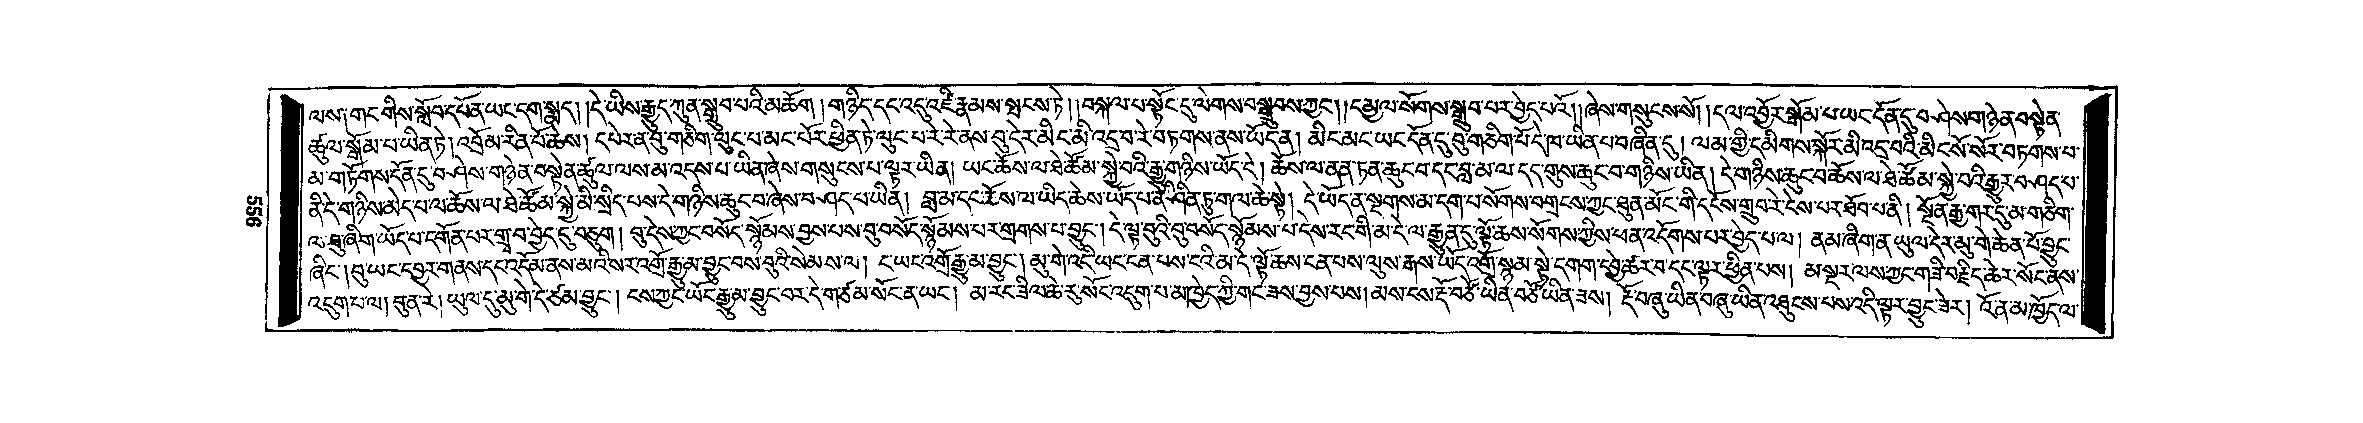ལས། གང་གིས་སློབ་དཔོན་ཡང་དག་སྨད། །དེ་ཡིས་རྒྱུད་ཀུན་སྒྲུབ་པའི་མཆོག །གཉིད་དང་འདུ་འཛི་རྣམས་སྤངས་ཏེ། །བསྐལ་པ་སྟོང་དུ་ལེགས་བསྒྲུབས་ཀྱང་། །དམྱལ་སོགས་སྒྲུབ་པར་བྱེད་པའོ། །ཞེས་གསུངས་སོ། །དལ་འབྱོར་སྒོམ་པ་ཡང་དོན་དུ་བཤེས་གཉེན་བསྟེན་
ཚུལ་སྒོམ་པ་ཡིན་ཏེ། འབྲོམ་རིན་པོ་ཆེས། དཔེར་ན་བུ་གཅིག་ལུང་པ་མང་པོར་ཕྱིན་ཏེ་ལུང་པ་རེ་རེ་ནས་བུ་དེར་མིང་མི་འདྲ་བ་རེ་བཏགས་ནས་ཡོད་ན། མིང་མང་ཡང་དོན་དུ་བུ་གཅིག་པོ་དེ་ཁ་ཡིན་པ་བཞིན་དུ། ལམ་གྱི་དམིགས་སྐོར་མི་འདྲ་བའི་མིང་སོ་སོར་བཏགས་པ་
མ་གཏོགས་དོན་དུ་བཤེས་གཉེན་བསྟེན་ཚུལ་ལས་མ་འདས་པ་ཡིན་ཞེས་གསུངས་པ་ལྟར་ཡིན། ཡང་ཆོས་ལ་ཐེ་ཚོམ་སྐྱེ་བའི་རྒྱུ་གཉིས་ཡོད་དེ། ཆོས་ལ་ནན་ཏན་ཆུང་བ་དང་བླ་མ་ལ་དད་གུས་ཆུང་བ་གཉིས་ཡིན། དེ་གཉིས་ཆུང་བ་ཆོས་ལ་ཐེ་ཚོམ་སྐྱེ་བའི་རྒྱུར་བཤད་པ་
ནི་དེ་གཉིས་མེད་པ་ལ་ཆོས་ལ་ཐེ་ཚོམ་སྐྱེ་མི་སྲིད་པས་དེ་གཉིས་ཆུང་བ་ཞེས་བཤད་པ་ཡིན། བླ་མ་དང་ཆོས་ལ་ཡིད་ཆེས་ཡོད་པ་ནི་ཤིན་ཏུ་གལ་ཆེ་སྟེ། དེ་ཡོད་ན་སྔགས་མ་དག་པ་སོགས་བགྲངས་ཀྱང་ཐུན་མོང་གི་དངོས་གྲུབ་རེ་ངེས་པར་ཐོབ་པ་ནི། སྔོན་རྒྱ་གར་དུ་མ་གཅིག་
ལ་བུ་ཞིག་ཡོད་པ་དགོན་པར་གྲྭ་བ་བྱེད་དུ་བཅུག །བུ་དེས་ཀྱང་བསོད་སྙོམས་བྱས་པས་བུ་བསོད་སྙོམས་པར་གྲགས་པ་བྱུང་། དེ་ལྟ་བུའི་བུ་བསོད་སྙོམས་པ་དེས་རང་གི་མ་དེ་ལ་རྒྱུན་དུ་ལྟོ་ཆས་སོགས་ཀྱིས་ཕན་འདོགས་པར་བྱེད་པ་ལ། ནམ་ཞིག་ན་ཡུལ་དེར་མུ་གེ་ཆེན་པོ་བྱུང་
ཞིང་། བུ་ཡང་དབྱར་གནས་དང་འདོམ་ནས་མའི་སར་འགྲོ་རྒྱུ་མ་བྱུང་བས་བུའི་སེམས་ལ། ང་ཡང་འགྲོ་རྒྱུ་མ་བྱུང་། མུ་གེ་འདི་ཡང་ངན་པས་ངའི་མ་དེ་ལྟོ་ཆས་ངན་པས་ལུས་རྒས་ཡོད་འགྲོ་སྙམ་སྟེ་དགག་དབྱེ་ཚར་བ་དང་ལྟར་ཕྱིན་པས། མ་སྔར་ལས་ཀྱང་གཟི་བརྗིད་ཆེར་སོང་ནས་
འདུག་པ་ལ། བུ་ན་རེ། ཡུལ་དུ་མུ་གེ་དེ་ཙམ་བྱུང་། ངས་ཀྱང་ཡོང་རྒྱུ་མ་བྱུང་བར་དེ་ག་ཙམ་སོང་ན་ཡང་། མ་རང་ཟིལ་ཆེ་རུ་སོང་འདུག་པ་མཁྱེད་ཀྱི་གང་ཟས་བྱས་པས། མས་ངས་རྡོ་བཙོ་ཡིན་བཙོ་ཡིན་ཟས། རྡོ་བཞུ་ཡིན་བཞུ་ཡིན་འཐུངས་པས་འདི་ལྟར་བྱུང་ཟེར། འོ་ན་མ་ཁྱོད་ལ་